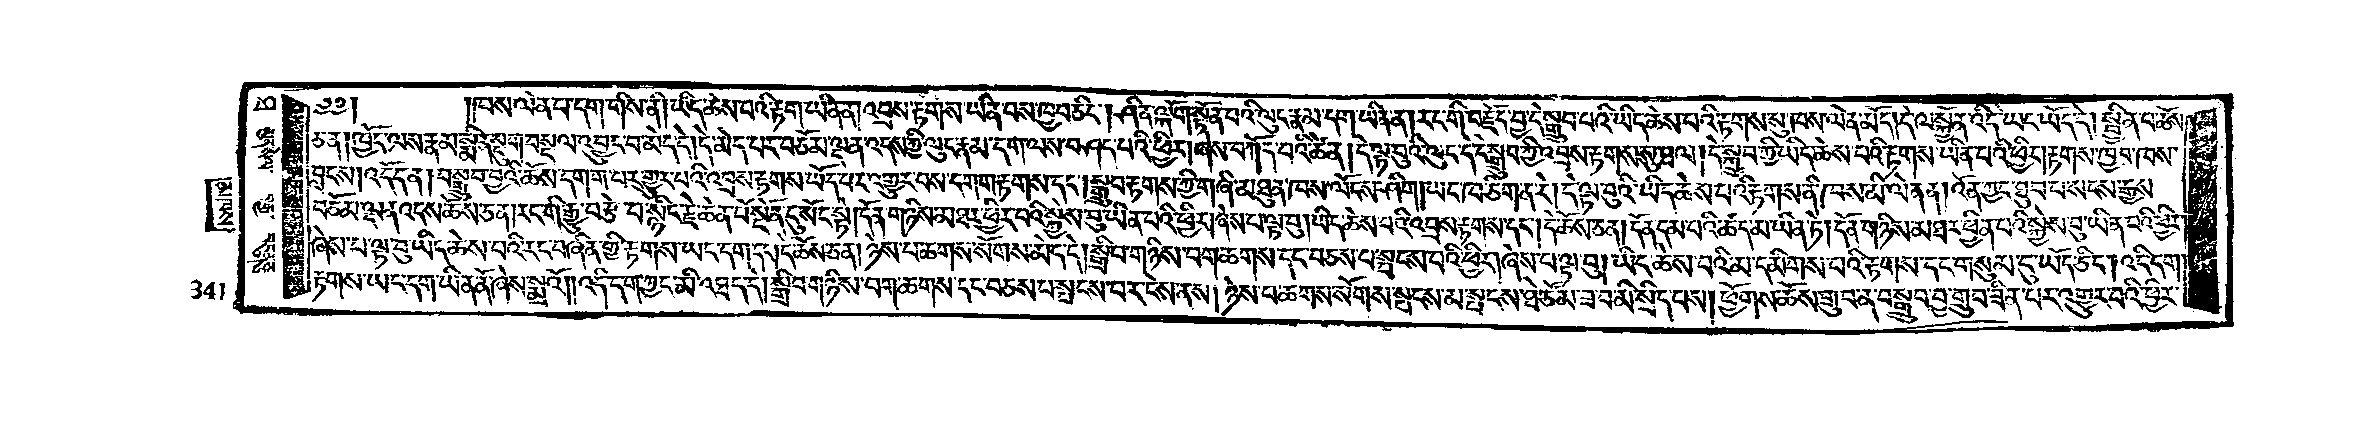༄༅། །ཁས་ལེན་པ་དག་གིས་ནི། ཡིད་ཆེས་པའི་རྟག་ཡིན་ན། འབྲས་རྟགས་ཡིན་པས་ཁྱབ་ཅིང་། ཤིན་ལྐོག་སྟོན་པའི་ལུང་རྣམ་དག་ཡིན་ན། རང་གི་བརྗོད་བྱ་དེ་སྒྲུབ་པའི་ཡིད་ཆེས་པའི་རྟགས་སུ་ཁས་ལེན་མོད། དེ་ལ་སྐྱོན་འདི་ཡང་ཡོད་དེ། སྦྱིན་པ་ཆོས་
ཅན། ཁྱོད་ལས་རྣམ་སྨིན་སྡུག་བསྔལ་འབྱུང་བ་མེད་དེ། དེ་མེད་པར་བཅོམ་ལྡན་འདས་ཀྱི་ལུང་རྣམ་དག་ལས་བཤད་པའི་ཕྱིར། ཞེས་བཀོད་པའི་ཚེ་ན། དེ་ལྟ་བུའི་ལུང་དེ་དེ་སྒྲུབ་ཀྱི་འབྲས་རྟགས་སུ་ཐལ། དེ་སྒྲུབ་ཀྱི་ཡིད་ཆེས་པའི་རྟགས་ཡིན་པའི་ཕྱིར། རྟགས་ཁྱབ་ཁས་
བླངས། འདོད་ན། བསྒྲུབ་བྱའི་ཆོས་དགག་པར་གྱུར་པའི་འབྲས་རྟགས་ཡོད་པར་འགྱུར་བས་དགག་རྟགས་དང་། སྒྲུབ་རྟགས་ཀྱི་གཞི་མཐུན་ཁས་ལོངས་ཤིག །ཡང་ཁ་ཅིག་ན་རེ། དེ་ལྟ་བུའི་ཡིད་ཆེས་པའི་རྟགས་ནི་ཁས་མི་ལེན་ན། འོན་ཀྱང་ཐུབ་པ་སངས་རྒྱས་
བཅོམ་ལྡན་འདས་ཆོས་ཅན། རང་གི་རྒྱུ་བརྩེ་བ་སྙིང་རྗེ་ཆེན་པོ་སྔོན་དུ་སོང་སྟེ། དོན་གཉིས་མཐར་ཕྱིར་པའི་སྐྱེས་བུ་ཡིན་པའི་ཕྱིར། ཞེས་པ་ལྟ་བུ། ཡིད་ཆེས་པའི་འབྲས་རྟགས་དང་། དེ་ཆོས་ཅན། དོན་དམ་པའི་ཚད་མ་ཡིན་ཏེ། དོན་གཉིས་མཐར་ཕྱིན་པའི་སྐྱེས་བུ་ཡིན་པའི་ཕྱིར་
ཞེས་པ་ལྟ་བུ་ཡིད་ཆེས་པའི་རང་བཞིན་གྱི་རྟགས་ཡང་དག་དང་། དེ་ཆོས་ཅན། ཉེས་པ་ཆགས་སོགས་མེད་དེ། སྒྲིབ་གཉིས་བག་ཆགས་དང་བཅས་པ་སྤངས་པའི་ཕྱིར། ཞེས་པ་ལྟ་བུ། ཡིད་ཆེས་པའི་མ་དམིགས་པའི་རྟགས་དང་གསུམ་དུ་ཡོད་ཅིང་། འདི་དག་
རྟགས་ཡང་དག་ཡིན་ནོ་ཞེས་སྨྲའོ། །འདི་དག་ཀྱང་མི་འཐད་དེ། སྒྲིབ་གཉིས་བག་ཆགས་དང་བཅས་པ་སྤངས་པར་ངེས་ནས། ཉེས་པ་ཆགས་སོགས་སྤངས་མ་སྤངས་ཐེ་ཚོམ་ཟ་བ་མི་སྲིད་པས། ཕྱོགས་ཆོས་གྲུབ་ན་བསྒྲུབ་བྱ་གྲུབ་ཟིན་པར་འགྱུར་བའི་ཕྱིར་